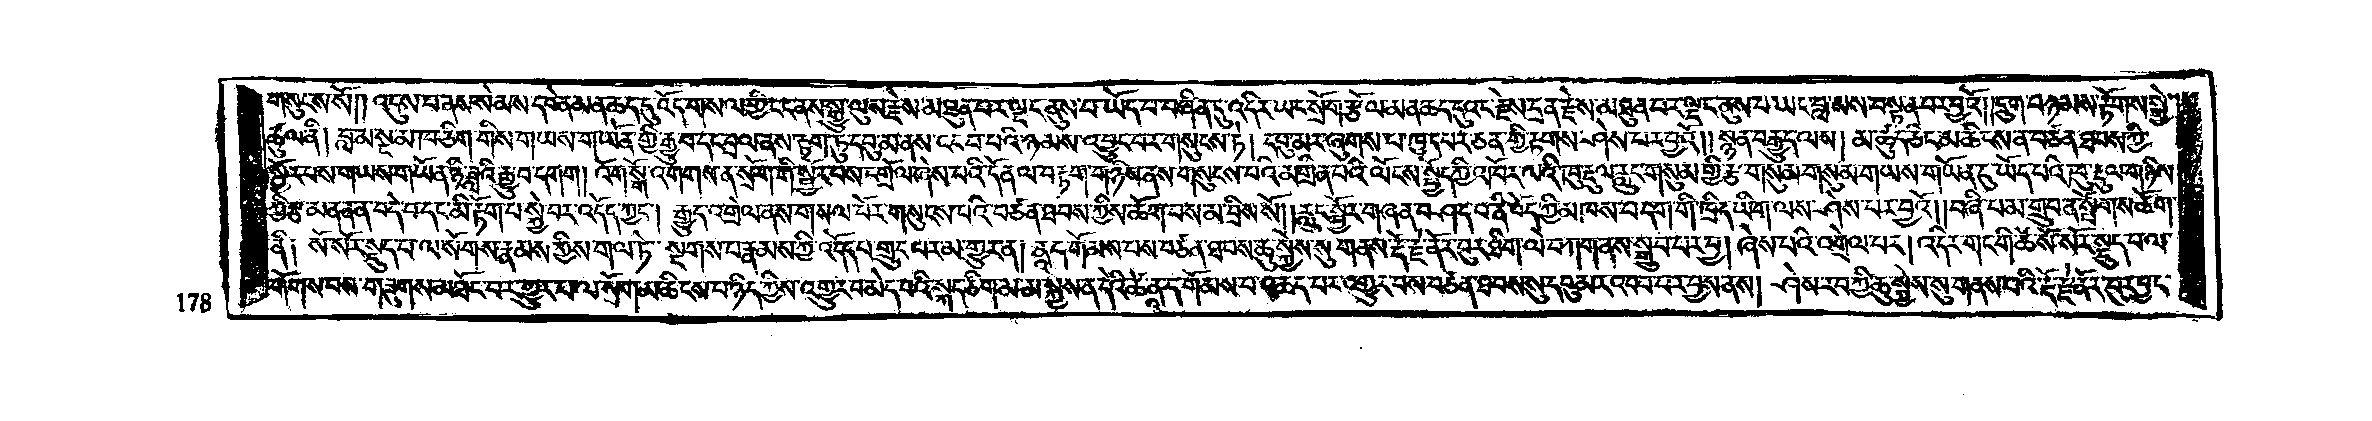གསུངས་སོ། །འདུས་པ་ནས་སེམས་དབེན་མན་ཆད་དུ་འོད་གསལ་གྱི་ངང་ནས་སྒྱུ་ལུས་རྗེས་མཐུན་པར་ལྡང་ནུས་པ་ཡོད་པ་བཞིན་དུ་འདིར་ཡང་སྲོག་རྩོལ་མན་ཆད་དུའང་རྗེས་དྲན་རྗེས་མཐུན་པར་ལྡང་ནུས་པ་ཡང་བླ་མས་བསྟན་པར་བྱའོ། །དྲུག་པ་ཉམས་རྟོགས་སྐྱེ་
ཚུལ་ནི། བླ་མ་སྔ་མ་ཁ་ཅིག་གིས་གཡས་གཡོན་གྱི་རྒྱུ་བ་དང་བྲལ་ནས་རྟག་ཏུ་དབུ་མ་ནས་འདབ་པའི་ཉམས་འབྱུང་བར་གསུངས་ཏེ། དབུ་མར་ཞུགས་པ་ཁྱད་པར་ཅན་གྱི་རྟགས་ཤེས་པར་བྱའོ། །སྙན་བརྒྱུད་ལས། མ་ཚུད་ཅིང་མཆིངས་ན་བཙན་ཐབས་ཀྱི་
སྦྱོར་བས་གཡས་གཡོན་ཉི་ཟླའི་རྒྱུ་བ་དགག །འོག་སྒོ་འགགས་ན་སྲོག་གི་སྦྱོར་བས་དགྲོལ་ཞེས་པའི་དོན་ལ་བརྟག་གཉིས་ནས་གསུངས་པའི་མགྲིན་པའི་ལོངས་སྤྱོད་ཀྱི་འཁོར་བོའི་ཁུ་རྡུལ་རླུང་གསུམ་གྱི་རྩ་གསུམ་གསུམ་གཡས་གཡོན་དུ་ཡོད་པའི་ཁུ་རྡུལ་གཉིས་
ཀྱི་རྩ་མན་ནན་བདེ་བ་དང་མི་རྟོག་པ་སྐྱེ་བར་འདོད་ཀྱང་། རྒྱུད་འགྲེལ་ནས་གསལ་པོར་གསུངས་པའི་བཙན་ཐབས་ཀྱིས་ཆོག་པས་མ་བྲིས་སོ། །རླུང་སྦྱོར་གཞན་བཤད་པ་ནི་བོད་ཀྱི་མཁས་བདག་གི་ཁྲིད་ཡིག་ལས་ཤེས་པར་བྱའོ། །བཞི་པ་མ་གྲུབ་ན་སྤོགས་ཆོག་
ནི། སོ་སོར་སྡུད་པ་ལ་སོགས་རྣམས་ཀྱིས་གལ་ཏེ་སྔགས་པ་རྣམས་ཀྱི་འདོད་པ་གྲུབ་པར་མ་གྱུར་ན། ནཱ་ད་གོམས་པས་བཙན་ཐབས་ཆུ་སྐྱེས་སུ་གནས་རྡོ་རྗེ་ནོར་བུར་ཐིག་ལེ་བཀག་ནས་སྒྲུབ་པར་བྱ། ཞེས་པའི་འགྲེལ་པར། འདིར་གང་གི་ཚེ་སོ་སོར་སྡུད་པ་ལ་
གོགས་པས་གཟུགས་མཐོང་བར་གྱུར་པ་ལ་སྲོག་མཆིངས་པ་ཉིད་ཀྱིས་འགྱུར་བ་མེད་པའི་སྐད་ཅིག་མ་མ་སྐྱེས་ན་དེའི་ཚེ་ནཱ་ད་གོམས་པ་འཆད་པར་འགྱུར་བས་བཙན་ཐབས་སུ་དབུ་མར་འབབ་པར་བྱས་ནས། ཤེས་རབ་ཀྱི་ཆུ་སྐྱེས་སུ་གནས་པའི་རྡོ་རྗེ་ནོར་བུར་བྱང་